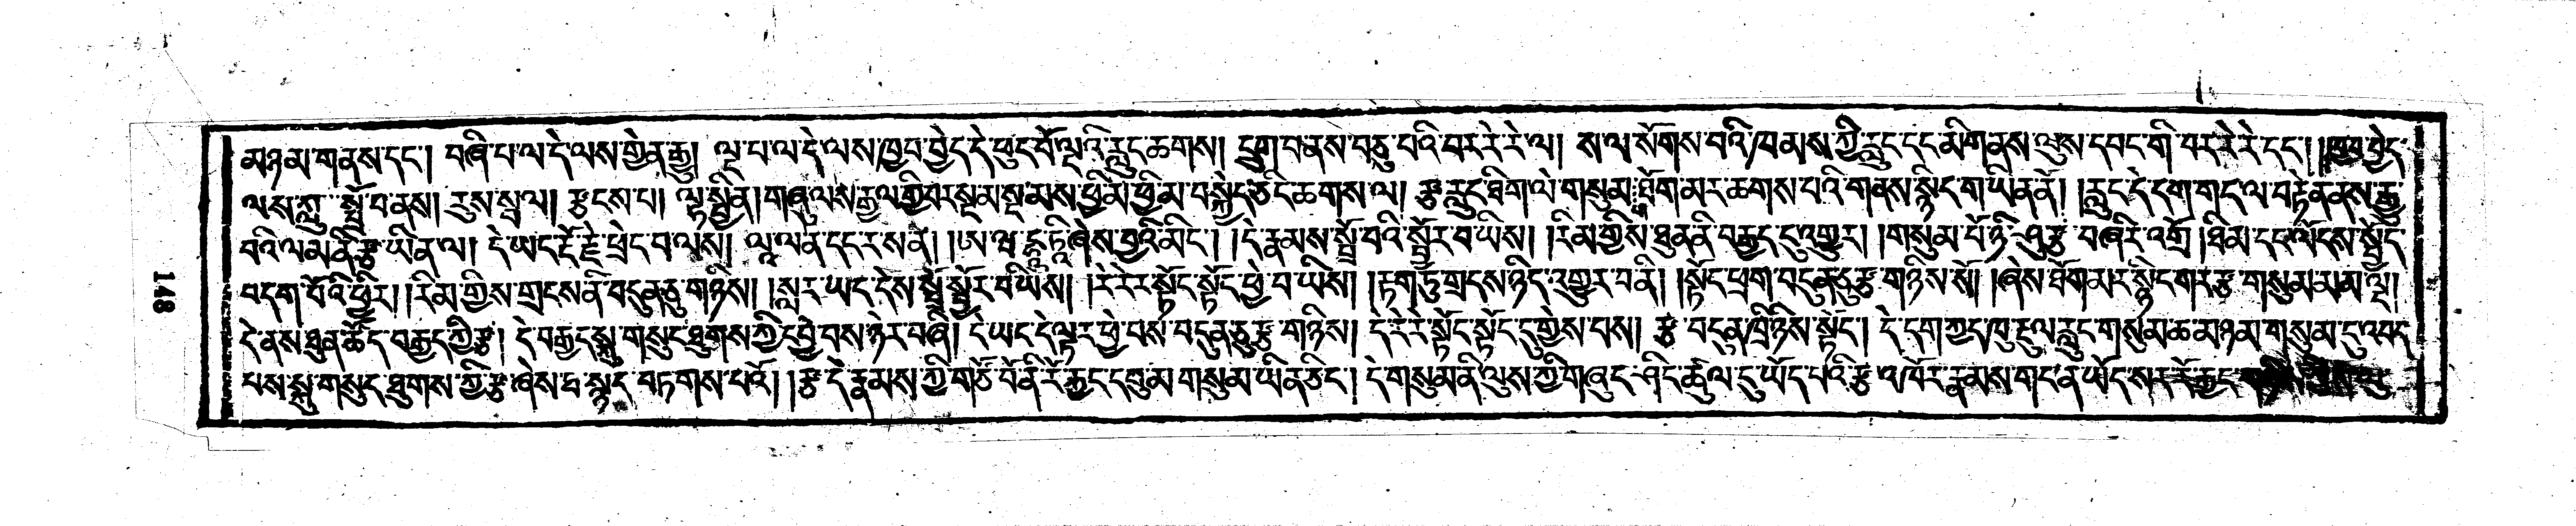མཉམ་གནས་དང་། བཞི་པ་དེ་ལས་གྱེན་རྒྱུ། ལྔ་པ་ལ་དེ་ལས་ཁྱབ་བྱེད་དེ་ཕུང་པོ་ལྔའི་རླུང་ཆགས། དྲུག་པ་ནས་བཅུ་པའི་བར་རེ་རེ་ལ། ས་ལ་སོགས་པའི་ཁམས་ཀྱི་རླུང་དང་མིག་ནས་ལུས་དབང་གི་བར་རེ་རེ་དང་། ཁྱབ་བྱེད་
ལས་ཀླུ་སྤྲོ་བ་ནས། རུས་སྤལ། རྩངས་པ། ལྷ་སྦྱིན། གཞུ་ལས་རྒྱལ་གྱི་བར་སྔ་མ་སྔ་མས་ཕྱི་མ་ཕྱི་མ་བསྐྱེད་ཅིང་ཆགས་ལ། རྩ་རླུང་ཐིག་ལེ་གསུམ་ག་ཐོག་མར་ཆགས་པའི་གནས་སྙིང་ག་ཡིན་ནོ། །རླུང་དེ་དག་གང་ལ་བརྟེན་ནས་རྒྱུ་
བའི་ལམ་ནི་རྩ་ཡིན་ལ། དེ་ཡང་རྡོ་རྗེ་ཕྲེང་བ་ལས། ལཱ་ལ་ན་དང་ར་ས་ན། །ཨ་ཝ་དྷཱུ་ཏཱི་ཞེས་བྱའི་མིང་། །དེ་རྣམས་སྤྲོ་བའི་སྦྱོར་བ་ཡིས། །རིམ་གྱིས་ཐུན་ནི་བརྒྱད་དུ་འགྱུར། །གསུམ་པོ་ཉི་ཤུ་རྩ་བཞིར་འགྲོ་།ཐིམ་དང་ལོངས་སྤྱོད་
བདག་པོའི་ཕྱིར། །རིམ་གྱིས་གྲངས་ནི་བདུན་ཅུ་གཉིས། །སླར་ཡང་དེས་སྤྲོ་སྦྱོར་བ་ཡིས། །རེ་རེར་སྟོང་སྟོང་ཕྱེ་བ་ཡིས། །རྟག་ཏུ་གྲངས་ཉིད་འགྱུར་བ་ནི། །སྟོང་ཕྲག་བདུན་ཅུ་རྩ་གཉིས་སོ། །ཞེས་ཐོག་མར་སྙིང་གར་རྩ་གསུམ་མམ་ལྔ།
དེ་ནས་ཐུན་ཚོད་བརྒྱད་ཀྱི་རྩ། དེ་བརྒྱད་སྐུ་གསུང་ཐུགས་ཀྱི་དབྱེ་བས་ཉེར་བཞི། དེ་ཡང་དེ་ལྟར་བྱེ་བས་བདུན་ཅུ་རྩ་གཉིས། དེ་རེ་རེ་སྟོང་སྟོང་དུ་གྱེས་པས། རྩ་བདུན་ཁྲི་ཉིས་སྟོང་། དེ་དག་ཀྱང་ཁུ་རྡུལ་རླུང་གསུམ་ཆ་མཉམ་གསུམ་དུ་འབ་
པས་སྐུ་གསུང་ཐུགས་ཀྱི་རྩ་ཞེས་ཐ་སྙད་བཏགས་པའོ། །རྩ་དེ་རྣམས་ཀྱི་གཙོ་བོ་ནི་རོ་རྐྱང་དབུ་མ་གསུམ་ཡིན་ཅིང་། དེ་གསུམ་ནི་ལུས་ཀྱི་གཞུང་ཤིང་ཚུལ་དུ་ཡོད་པའི་རྩ་འཁོར་རྣམས་གང་ན་ཡོད་སར་རོ་རྐྱང་གཉིས་ཀྱིས་ལུ་